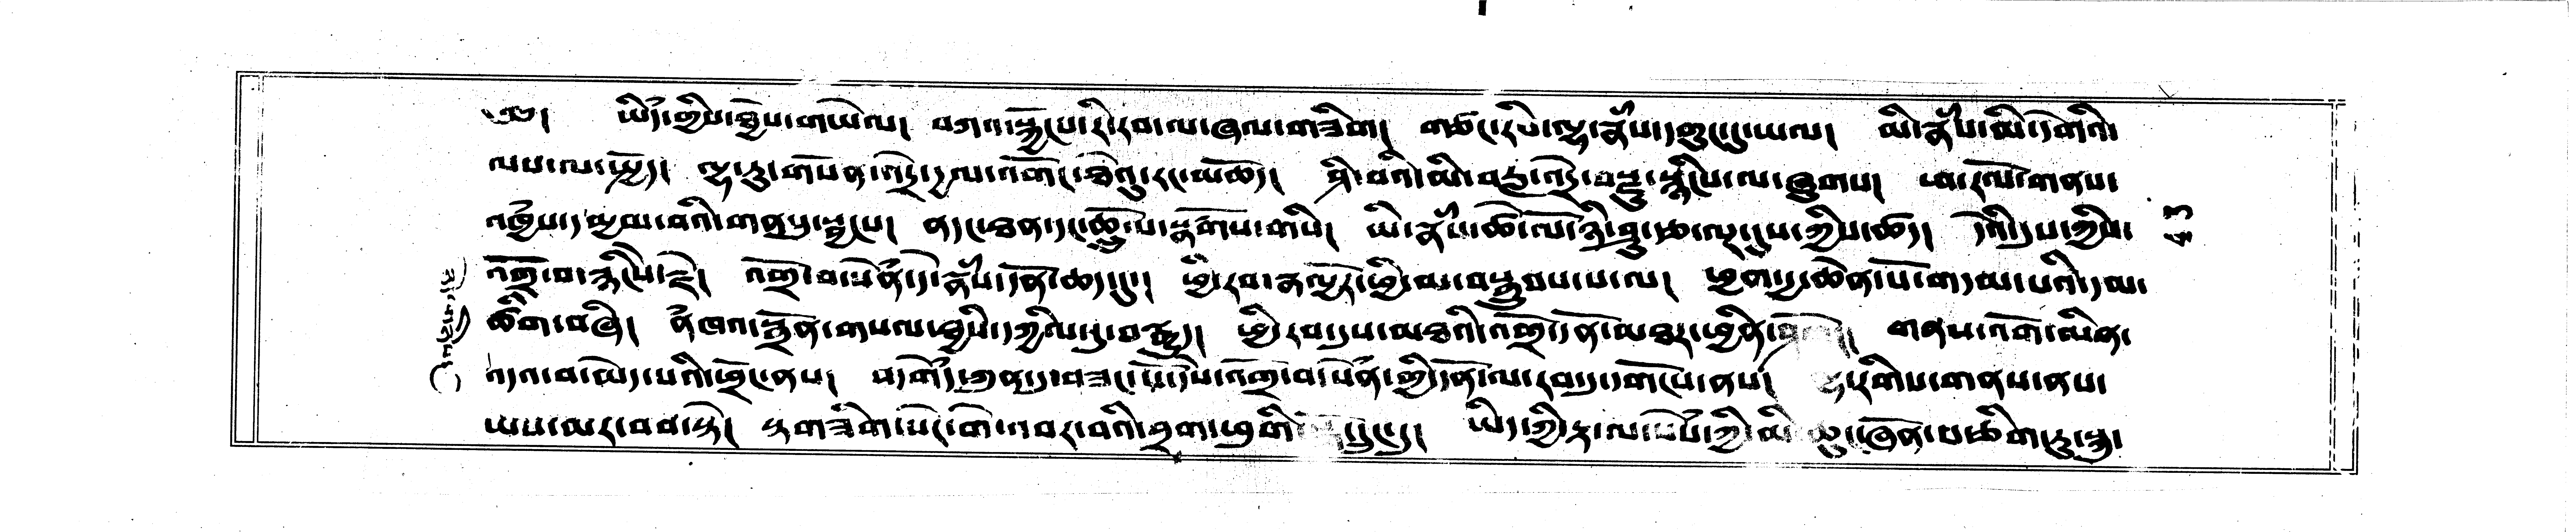ཡི་དམ་གྱི་ཐུགས་རྗེ་གཡེལ། བཀའ་སྐྱོང་རི་རབ་ལ་ཞལ་གཟིགས། གཙང་རིས་ལྷ་རྣམས་དགུང་དུ་ཡལ། མི་རྣམས་མི་དགེའི་
ལས་ལ་སྤྱོད། ལྷ་རུ་གསོན་འདྲེ་རྒྱལ་འགོང་ཐེའུ་རང་མཆོད། ཤི་བའི་མི་བླ་འདྲེ་བརྫུ་སྙིང་ལ་ཞུགས། ཕ་རོལ་གནས་
འཁྱམས་དམྱལ་བའི་གནས་སུ་སྦྱངས། ནད་དང་ཐན་དང་ཆོ་འཕྲུལ་སྣ་ཚོགས་གིས། མི་རྣམས་ཚེ་ལོ་ཉི་ཤུ་རྩ་ལྔ་དུས་ཀྱི་ཚད། དེ་ཡི་དུས་ཀྱི་
འགྲོ་བ་སྙིང་རེ་རྗེ། འགྲོ་བ་སེམས་ཅན་དེ་རྣམས་དོན་ཆེད་དུ། ཕྱི་རབས་རྣལ་འབྱོར་ཕྱི་མ་བསྒྲུབ་པ་ལ། ཕྱག་རྒྱ་ཆེན་པོ་གདམས་པའི་དམ་
ཚིག་བཞི། ནམ་མཁའ་སྒྲོན་གསལ་ཐུགས་ཀྱི་དཀྱིལ་དུ་བརྒྱུད། ཕྱི་རབས་དུས་མཐའི་འགྲོ་དོན་མཐར་ཕྱིན་ཤོག གནས་འོག་མིན་
འདའ་བ་མེད་པའི་ཕོ་བྲང་ནས། བདག་མེད་ཀུན་ཏུ་བཟང་པོ་དེས། འགྲོ་བ་སེམས་ཅན་གྱི་དོན་ལ་རབ་ཏུ་དགོངས་ནས། ལྷ་རིགས་གནས་ནས་
ཡས་མར་བབས་ཏེ། སྟག་གཟིག་སེང་གེ་འབར་བའི་བྲག་ཕུག་གི་སྒོ་དྲུང་དུ། ཡིད་ཀྱི་རྟ་ལ་སེམས་ཀྱི་མི་ཆུང་ཞོན་པ་གཅིག་ཏུ་སྐུ་